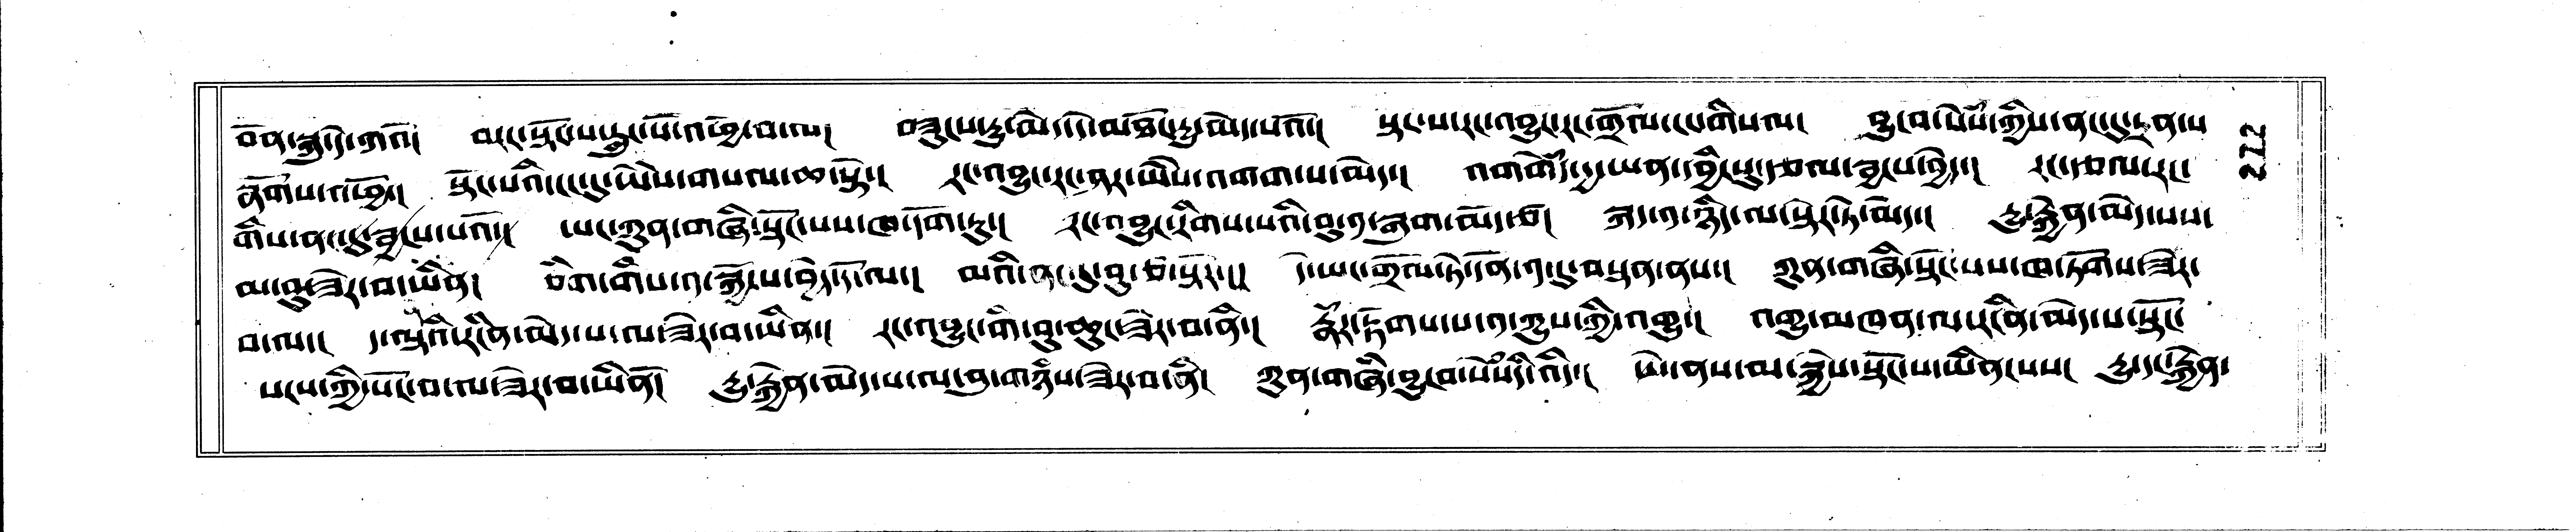བོན་སྐུ་དེ་ཀའོ། བར་སྣང་སྟོང་པར་རླུང་པོ་འཕྱོ་བ་ལ། བཟུང་རྒྱུ་མེད་དེ་མཐོང་རྒྱུ་མེད་པའོ། སྟོང་པ་རང་འབྱུང་རང་གྲོལ་ངང་གི་གསལ། བྱང་ཆུབ་སེམས་ཀྱི་ངང་དུ་དྲན་པ་
སྣ་ཚོགས་འཕྱོ། སྟོང་པའི་ངང་དུ་ཡེ་ཤེས་གསལ་ཆ་དེ། རང་འབྱུང་རང་ཤར་ཡེ་ཤེས་འགགས་པ་མེད། འགགས་མེད་རྒྱ་ཡན་དབྱིངས་སུ་རྩལ་སྦྱངས་བྱེད། རང་གསལ་རང་
གི་ནང་དུ་སྦྱངས་པའོ། ཡང་ཀུན་གཞི་སྟོང་པའི་ཁང་ཐོག་དུ། རང་འབྱུང་རིག་པའི་བུ་གཅིག་རྒྱུག་བདོ་‘‘སྒུག་མོད”ཙ། སྐད་གཅིག་ཉིད་ལ་སྟོར་ཏེ་མེད། རྒྱུ་རྐྱེན་མེད་པའི་
མ་བུ་གཉིས། ཅིག་གིས་གཅིག་སྐྱོང་བྱེད་བདོ་ལ། མའི་ངང་དུ་བུ་ཙ་སྟོར། དེ་ཡང་བཀྲོལ་ཏེ་དོན་གཅིག་དུ་བསྟན་ན། ཀུན་གཞི་སྟོང་པའི་ཁང་ཐོག་ཟེར་
བ་ནི། ད་ལྟའི་ངོའོ་རང་བཞིན་མེད་པ་འདི་ལ་ཟེར་བ་ཡིན། རང་འབྱུང་རིག་པའི་བུ་གཅིག་ཟེར་བ་ནི། རྣམ་པར་རྟོག་པ་གཅིག་ཀྱུས་ཀྱིས་འགྱུས། འགྱུ་མཁན་ལ་རང་བཞིན་མེད་པར་སྟོང་
སངས་ཀྱིས་སོང་པ་ལ་ཟེར་བ་ཡིན། རྒྱུ་རྐྱེན་མེད་པའི་མ་བུ་གཉིས་ཟེར་བ་ནི། ཀུན་གཞི་བྱང་ཆུབ་སེམས་ཉིད་འདི། ཡེ་ནས་མ་སྐྱེས་སྟོང་པ་ཡིན་པས་རྒྱུ་དང་རྐྱེན་